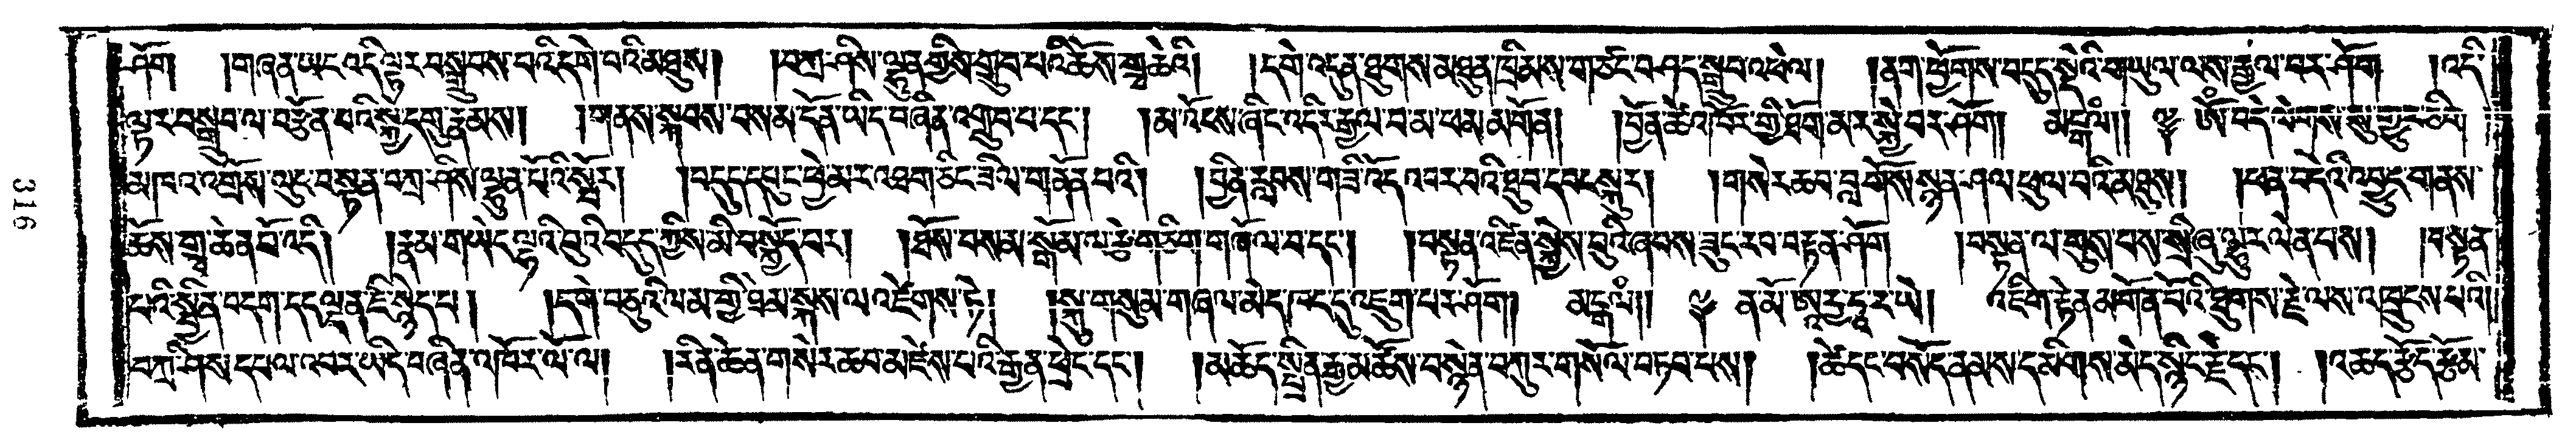ཤོག །གཞན་ཡང་འདི་ལྟར་བསྒྲུབས་པའི་དགེ་བའི་མཐུས། །བཀྲ་ཤིས་ལྷུན་གྱིས་གྲུབ་པའི་ཆོས་གྲྭ་ཆེའི། །དགེ་འདུན་ཐུགས་མཐུན་ཁྲིམས་གཙང་བཤད་སྒྲུབ་འཕེལ། །ནག་ཕྱོགས་བདུད་སྡེའི་གཡུལ་ལས་རྒྱལ་བར་ཤོག །འདི་
ལྟར་བསྒྲུབ་ལ་བརྩོན་པའི་སྐྱེ་དགུ་རྣམས། །གནས་སྐབས་བསམ་དོན་ཡིད་བཞིན་འགྲུབ་པ་དང་། །མ་འོངས་ཞིང་འདིར་རྒྱལ་བ་མ་ཕམ་མགོན། །བྱོན་ཚེ་འཁོར་གྱི་ཐོག་མར་སྐྱེ་བར་ཤོག། མངྒལཾ།། ༈ ཨོཾ་བདེ་ལེགས་སུ་གྱུར་ཅིག་
མཁའ་འགྲོས་ལུང་བསྟན་བཀྲ་ཤིས་ལྷུན་པོའི་སྤོར། །བདུད་དཔུང་ཕྱེ་མར་འཐག་ཅིང་ཟིལ་གནོན་པའི། །བྱིན་རླབས་གཟི་འོད་འབར་བའི་ཐུབ་དབང་སྐུར། །གསེར་ཆབ་བླ་གོས་སྙན་ཤལ་ཕུལ་བའི་མཐུས། །ཕན་བདེའི་འབྱུང་གནས་
ཆོས་གྲྭ་ཆེན་པོ་འདི། །རྣམ་གཡེང་ལྷའི་བུའི་བདུད་ཀྱིས་མི་བསྐྱོད་བར། །ཐོས་བསམ་སྒོམ་ལ་རྩེ་གཅིག་གཞོལ་བ་དང་། །བསྟན་འཛིན་སྐྱེས་བུའི་ཞབས་ཟུང་རབ་བརྟན་ཤོག །བསྟན་ལ་གུས་པས་སྲི་ཞུ་ལྷུར་ལེན་པས། །བསྟན་
པའི་སྦྱིན་བདག་དང་ལྡན་ཇི་སྙེད་པ། །དགེ་བཅུའི་ལམ་གྱི་ཐེམ་སྐས་ལ་འཛེགས་ཏེ། །སྐུ་གསུམ་གཞལ་མེད་ཁང་དུ་འཇུག་པར་ཤོག། མངྒལཾ།། ༈ ན་མོ་ཨཱརྱ་དཱ་ར་ཡེ། འཇིག་རྟེན་མགོན་པོའི་ཐུགས་རྗེ་ལས་འཁྲུངས་པའི།།
བཀྲ་ཤིས་དཔལ་འབར་ཡིད་བཞིན་འཁོར་ལོ་ལ། །རིན་ཆེན་གསེར་ཆབ་མཛེས་པའི་རྒྱན་ཕྲེང་དང་། །མཆོད་སྤྲིན་རྒྱ་མཚོས་བསྙེན་བཀུར་གསོལ་བཏབ་པས། །ཚེ་དང་བསོད་ནམས་དམིགས་མེད་སྙིང་རྗེ་དང་། །འཆད་རྩོད་རྩོམ་